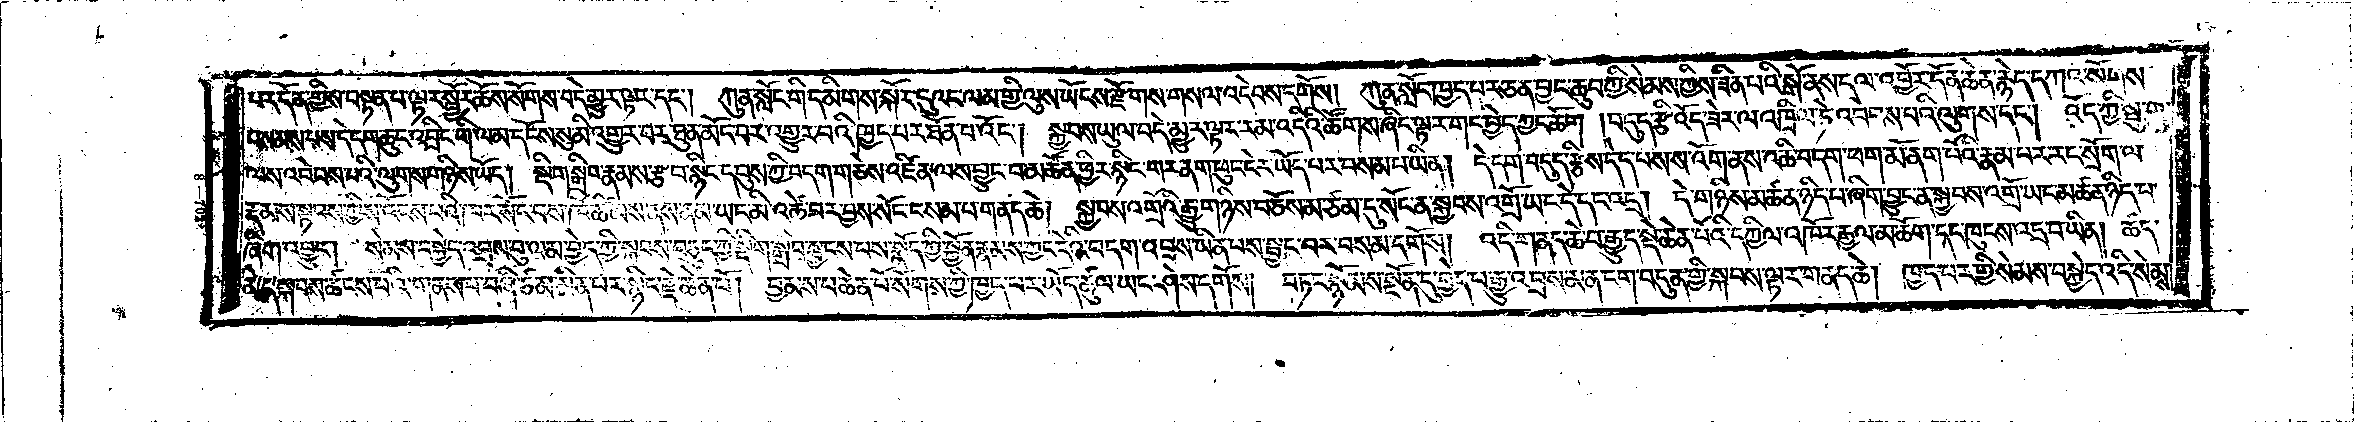པར་དོན་གྱིས་བསྟན་པ་ལྟར་སྦྱོར་ཆོས་སོགས་བདེ་མྱུར་ལྟར་དང་། ཀུན་སློང་གི་དམིགས་སྐོར་དུའང་ལམ་གྱི་ལུས་ཡོངས་རྫོགས་གསལ་འདེབས་དགོས། ཀུན་སློང་ཁྱད་པར་ཅན་བྱང་ཆུབ་ཀྱི་སེམས་ཀྱིས་ཟིན་པའི་སྒོ་ནས་དལ་འབྱོར་དོན་ཆེན་རྙེད་དཀའ་སོགས་
བསམས་པས་དེ་དག་ཆུང་འབྲིང་གི་ལམ་དངོས་སུ་མི་འགྱུར་བར་ཐུན་མོང་བར་འགྱུར་བའི་ཁྱད་པར་ཐོན་པ་འོང་། སྐྱབས་ཡུལ་བདེ་མྱུར་ལྟར་རམ་འདིའི་ཚོགས་ཞིང་ལྟར་གང་བྱེད་ཀྱང་ཆོག །བདུད་རྩི་འོད་ཟེར་ལ་འཁྲིལ་ཏེ་འབེབས་པའི་ལུགས་དང་། འོད་ཀྱི་སྦུ་གུ་
ལས་འབེབས་པའི་ལུགས་གཉིས་ཡོད། སྡིག་སྒྲིབ་རྣམས་རྩ་བ་སྙིང་དབུས་ཀྱི་བདག་གཅེས་འཛིན་ལས་བྱུང་བ་མཚོན་ཕྱིར་སྙིང་གར་ནག་ཕུང་ངེར་ཡོད་པར་བསམ་པ་ཡིན། དེ་དག་བདུད་རྩིས་དེད་པས་ས་འོག་ནས་འཆི་བདག་ཕག་མོ་ནག་པོའི་རྣམ་པར་རང་སྲོག་ལ་
རྔམས་སྟབས་ཀྱིས་འོངས་པའི་ཁར་སོང་བས་ཁོ་ཚིམས་ནས་ནམ་ཡང་མི་འཚེ་བར་བྱས་སོང་བསམ་པ་གནད་ཆེ། སྐྱབས་འགྲོའི་རྒྱུ་གཉིས་བཅོས་མ་ཙམ་དུ་སོང་ན་སྐྱབས་འགྲོ་ཡང་དེ་དང་འདྲ། དེ་གཉིས་མཚན་ཉིད་པ་ཞིག་བྱུང་ན་སྐྱབས་འགྲོ་ཡང་མཚན་ཉིད་པ་
ཞིག་འབྱུང་། སེམས་བསྐྱེད་འབྲས་བུ་ལམ་བྱེད་ཀྱི་སྐབས་བཅུད་ཀྱི་སྡིག་སྒྲིབ་སྦྱངས་པས་སྣོད་ཀྱི་སྐྱོན་རྣམས་ཀྱང་དེའི་བདག་འབྲས་ཡིན་པས་སྦྱང་བར་བསམ་དགོས། འདི་གནད་ཆེ་བ་རྒྱུད་སྡེ་ཆེན་པོའི་དཀྱིལ་འཁོར་རྒྱལ་མ་ཆོག་དང་ཁུངས་འདྲ་བ་ཡིན། ཚད་
མེད་སྐབས་ཚངས་པའི་གནས་པ་བཞི་ཙམ་མིན་པར་སྙིང་རྗེ་ཆེན་པོ། བྱམས་པ་ཆེན་པོ་སོགས་ཀྱི་ཁྱད་པར་ཡོད་ཚུལ་ཡང་ཤེས་དགོས། བཏང་སྙོམས་སྔོན་དུ་བྱེད་པ་རྒྱུ་འབྲས་མན་ངག་བདུན་གྱི་སྐབས་ལྟར་གནད་ཆེ། ཁྱད་པར་གྱི་སེམས་བསྐྱེད་འདི་སེམས་